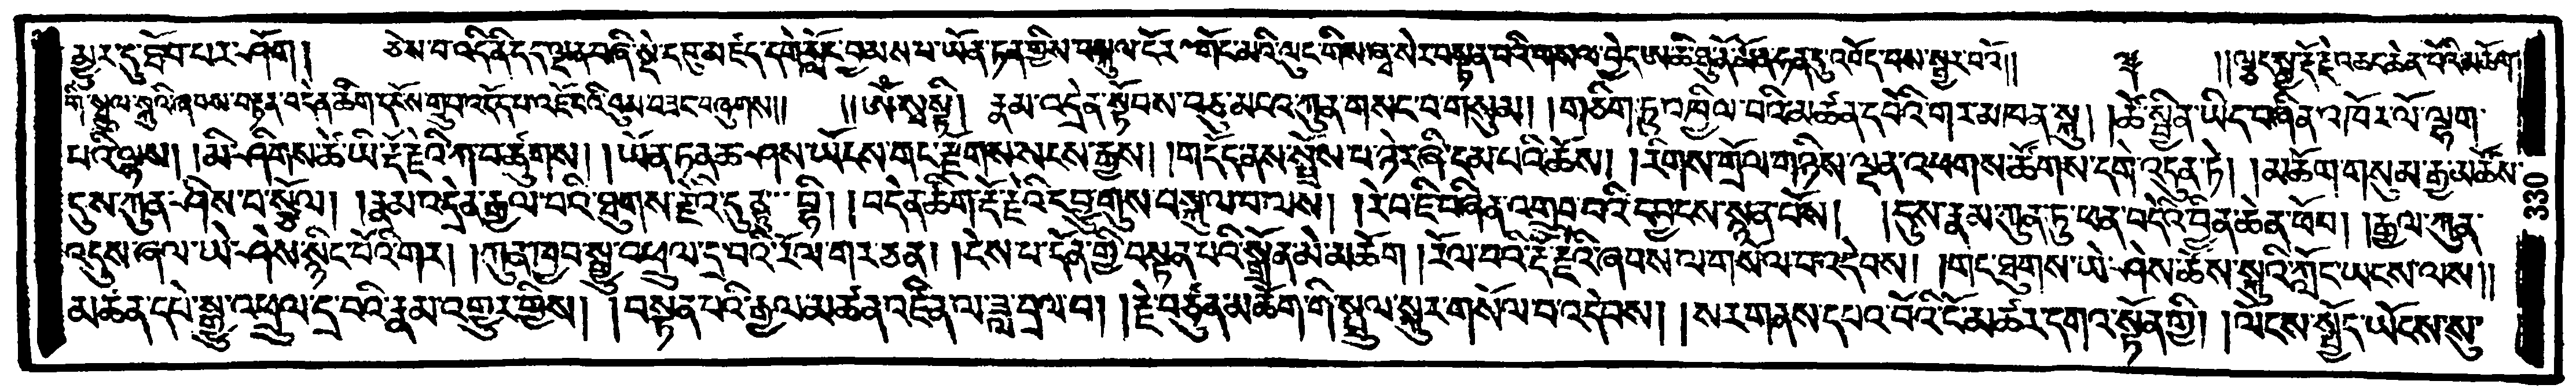མྱུར་དུ་ཐོབ་པར་ཤོག །ཅེས་པ་འདི་ནི་དད་ལྡན་བཞི་སྡེ་དབུ་མཛད་དགེ་སློང་བྱམས་པ་ཡོན་ཏན་གྱིས་བསྐུལ་ངོར ༧་གོང་མའི་ལུང་གིས་ཞྭ་སེར་བསྟན་པའི་གསལ་བྱེད་ཨ་ཆི་ཐུ་ནོ་མོན་ཧན་དུ་འབོད་པས་སྦྱར་བའོ།། ༈ །།ལྕང་སྐྱ་རྡོ་རྗེ་འཆང་ཆེན་པོའི་མཆོག་
གི་སྤྲུལ་སྐུའི་ཞབས་བརྟན་བདེན་ཚིག་དངོས་གྲུབ་འདོད་པ་འཇོ་བའི་བུམ་བཟང་བཞུགས།། །།ཨོཾ་སྭ་སྟི། རྣམ་འདྲེན་སྟོབས་བཅུ་མངའ་ཀུན་གསང་བ་གསུམ། །གཅིག་ཏུ་འཁྱིལ་བའི་མཚན་དཔེའི་གར་མཁན་སྐུ། །ཚེ་སྦྱིན་ཡིད་བཞིན་འཁོར་ལོ་ལྷག་
པའི་ལྷས། །མི་ཤིགས་ཚེ་ཡི་རྡོ་རྗེའི་ཀ་བ་ཚུགས། །ཡོན་ཏན་ཆ་ཤས་ཡོངས་གང་རྫོགས་སངས་རྒྱས། །གདོད་ནས་སྤྲོས་པ་ཉེར་ཞི་དམ་པའི་ཆོས། །རིགས་གྲོལ་གཉིས་ལྡན་འཕགས་ཚོགས་དགེ་འདུན་ཏེ། །མཆོག་གསུམ་རྒྱ་མཚོས་
དུས་ཀུན་ཤིས་བ་སྩོལ། །རྣམ་འདྲེན་རྒྱལ་བའི་ཐུགས་རྗེའི་དུནྟུ་བྷི། །བདེན་ཚིག་རྡོ་རྗེའི་དབྱུ་གུས་བསྐུལ་བ་ལས། །རེ་བ་ཇི་བཞིན་འགྲུབ་པའི་དབྱངས་སྙན་པོས། །དུས་རྣམ་ཀུན་ཏུ་ཕན་བདེའི་བྱིན་ཆེན་ཕོབ། །རྒྱལ་ཀུན་
འདུས་ཞལ་ཡེ་ཤེས་སྙིང་པོའི་གར། །ཀུན་ཁྱབ་སྒྱུ་འཕྲུལ་དྲ་བའི་རོལ་གར་ཅན། །ངེས་པ་དོན་གྱི་བསྟན་པའི་སྒྲོན་མེ་མཆོག །རོལ་བའི་རྡོ་རྗེའི་ཞབས་ལ་གསོལ་བ་འདེབས། །གང་ཐུགས་ཡེ་ཤེས་ཆོས་སྐུའི་ཀློང་ཡངས་ལས། །
མཚན་དཔེ་སྒྱུ་འཕྲུལ་དྲ་བའི་རྣམ་འགྱུར་གྱིས། །བསྟན་པའི་རྒྱལ་མཚན་འཛིན་ལ་ཟླ་བྲལ་བ། །རྗེ་བཙུན་མཆོག་གི་སྤྲུལ་སྐུར་གསོལ་བ་འདེབས། །སར་གནས་དཔའ་བོའི་ངོ་མཚར་དགའ་སྟོན་གྱི། །ལོངས་སྤྱོད་ཡོངས་སུ་